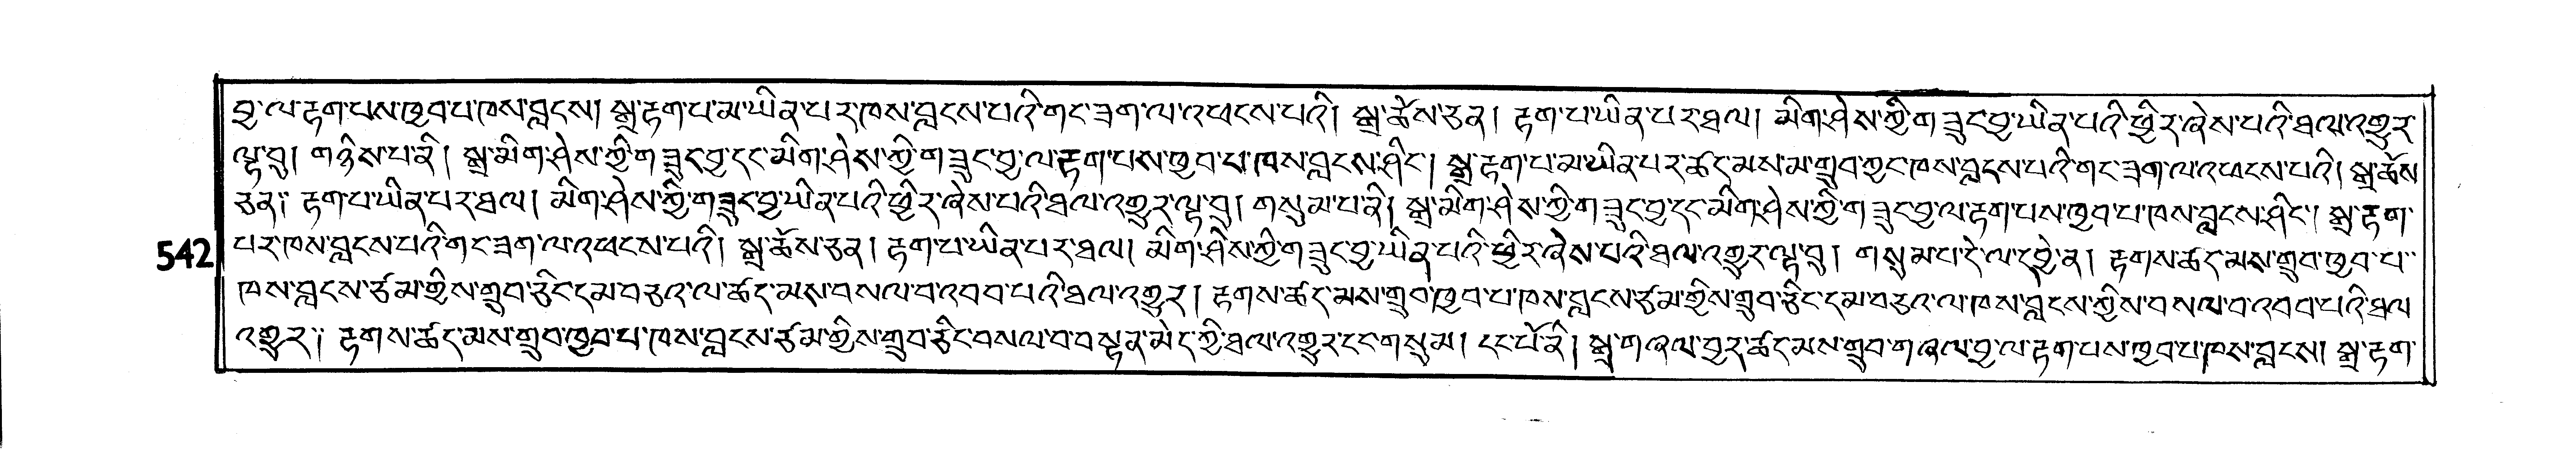བྱ་ལ་རྟག་པས་ཁྱབ་པ་ཁས་བླངས། སྒྲ་རྟག་པ་མ་ཡིན་པར་ཁས་བླངས་པའི་གང་ཟག་ལ་འཕངས་པའི། སྒྲ་ཆོས་ཅན། རྟག་པ་ཡིན་པར་ཐལ། མིག་ཤེས་ཀྱི་གཟུང་བྱ་ཡིན་པའི་ཕྱིར་ཞེས་པའི་ཐལ་འགྱུར་
ལྟ་བུ། གཉིས་པ་ནི། སྒྲ་མིག་ཤེས་ཀྱི་གཟུང་བྱ་དང་མིག་ཤེས་ཀྱི་གཟུང་བྱ་ལ་རྟག་པས་ཁྱབ་པ་ཁས་བླངས་ཤིང་། སྒྲ་རྟག་པ་མ་ཡིན་པར་ཚད་མས་མ་གྲུབ་ཀྱང་ཁས་བླངས་པའི་གང་ཟག་ལ་འཕངས་པའི། སྒྲ་ཆོས་
ཅན༑ རྟག་པ་ཡིན་པར་ཐལ། མིག་ཤེས་ཀྱི་གཟུང་བྱ་ཡིན་པའི་ཕྱིར་ཞེས་པའི་ཐལ་འགྱུར་ལྟ་བུ། གསུམ་པ་ནི། སྒྲ་མིག་ཤེས་ཀྱི་གཟུང་བྱ་དང་མིག་ཤེས་ཀྱི་གཟུང་བྱ་ལ་རྟག་པས་ཁྱབ་པ་ཁས་བླངས་ཤིང་། སྒྲ་རྟག་
པར་ཁས་བླངས་པའི་གང་ཟག་ལ་འཕངས་པའི། སྒྲ་ཆོས་ཅན། རྟག་པ་ཡིན་པར་ཐལ། མིག་ཤེས་ཀྱི་གཟུང་བྱ་ཡིན་པའི་ཕྱིར་ཞེས་པའི་ཐལ་འགྱུར་ལྟ་བུ། གསུམ་པ་དེ་ལ་དབྱེ་ན། རྟགས་ཚད་མས་གྲུབ་ཁྱབ་པ་
ཁས་བླངས་ཙམ་གྱིས་གྲུབ་ཅིང་དམ་བཅའ་ལ་ཚད་མས་བསལ་བ་འབབ་པའི་ཐལ་འགྱུར། རྟགས་ཚད་མས་གྲུབ་ཁྱབ་པ་ཁས་བླངས་ཙམ་གྱིས་གྲུབ་ཅིང་དམ་བཅའ་ལ་ཁས་བླངས་ཀྱིས་བསལ་བ་འབབ་པའི་ཐལ་
འགྱུར༑ རྟགས་ཚད་མས་གྲུབ་ཁྱབ་པ་ཁས་བླངས་ཙམ་གྱིས་གྲུབ་ཅིང་བསལ་བ་བསྟན་མེད་ཀྱི་ཐལ་འགྱུར་ངང་གསུམ། དང་པོ་ནི། སྒྲ་གཞལ་བྱར་ཚད་མས་གྲུབ་གཞལ་བྱ་ལ་རྟག་པས་ཁྱབ་པ་ཁས་བླངས། སྒྲ་རྟག་